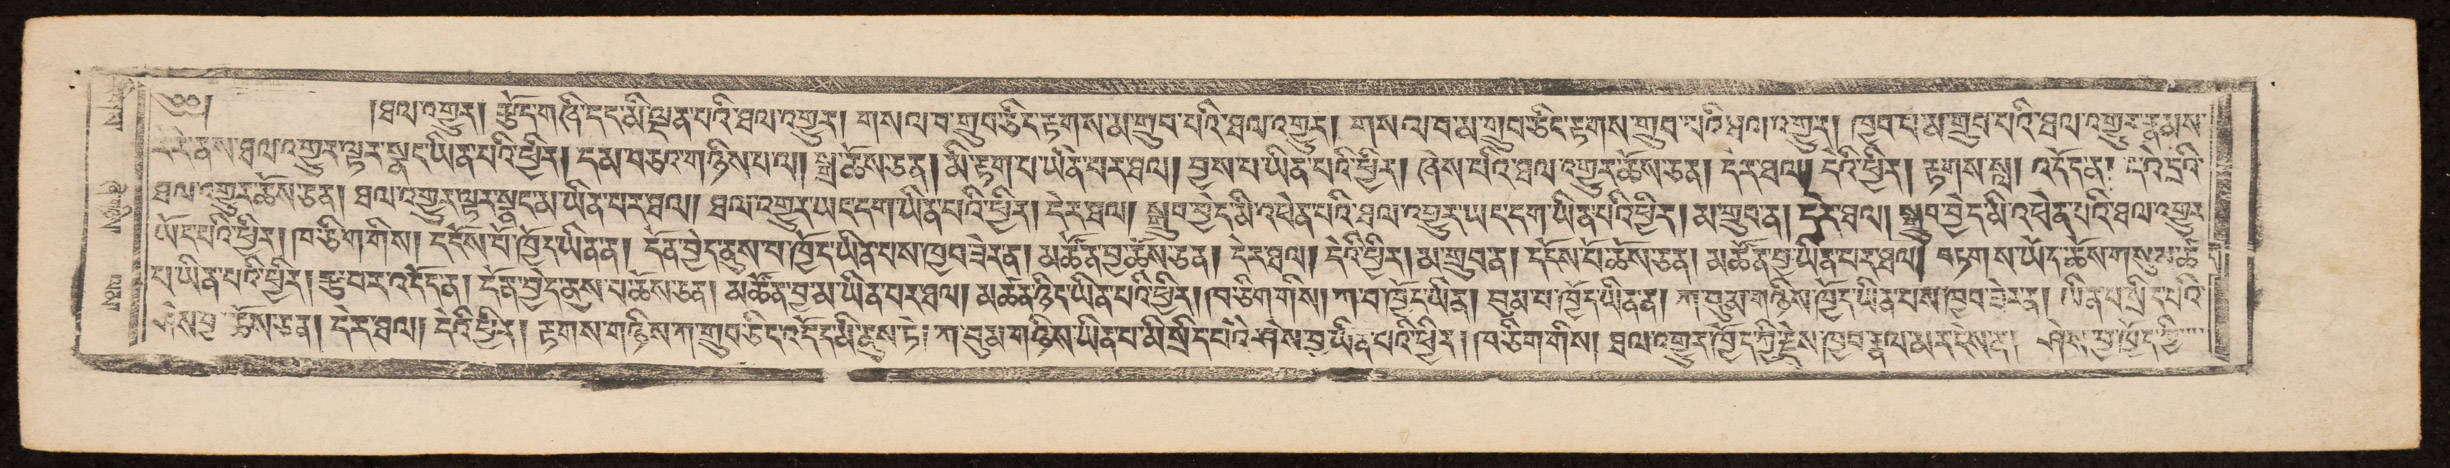༄༅། །ཐལ་འགྱུར། རྩོད་གཞི་དང་མི་ལྡན་པའི་ཐལ་འགྱུར། གསལ་བ་གྲུབ་ཅིང་རྟགས་མ་གྲུབ་པའི་ཐལ་འགྱུར། གསལ་བ་མ་གྲུབ་ཅིང་རྟགས་གྲུབ་པའི་ཐལ་འགྱུར། ཁྱབ་པ་མ་གྲུབ་པའི་ཐལ་འགྱུར་རྣམས་
རེ་རེ་ནས་ཐལ་འགྱུར་ལྟར་སྣང་ཡིན་པའི་ཕྱིར། དམ་བཅའ་གཉིས་པ་ལ། སྒྲ་ཆོས་ཅན། མི་རྟག་པ་ཡིན་པར་ཐལ། བྱས་པ་ཡིན་པའི་ཕྱིར། ཞེས་པའི་ཐལ་འགྱུར་ཆོས་ཅན། དེར་ཐལ། དེའི་ཕྱིར། རྟགས་སླ། འདོད་ན། དེ་འདྲའི་
ཐལ་འགྱུར་ཆོས་ཅན། ཐལ་འགྱུར་ལྟར་སྣང་མ་ཡིན་པར་ཐལ། ཐལ་འགྱུར་ཡང་དག་ཡིན་པའི་ཕྱིར། དེར་ཐལ། སྒྲུབ་བྱེད་མི་འཕེན་པའི་ཐལ་འགྱུར་ཡང་དག་ཡིན་པའི་ཕྱིར། མ་གྲུབ་ན། དེར་ཐལ། སྒྲུབ་བྱེད་མི་འཕེན་པའི་ཐལ་འགྱུར་
ཡོད་པའི་ཕྱིར། ཁ་ཅིག་གིས། དངོས་པོ་ཁྱོད་ཡིན་ན། དོན་བྱེད་ནུས་པ་ཁྱོད་ཡིན་པས་ཁྱབ་ཟེར་ན། མཚོན་བྱ་ཆོས་ཅན། དེར་ཐལ། དེའི་ཕྱིར། མ་གྲུབ་ན། དངོས་པོ་ཆོས་ཅན། མཚོན་བྱ་ཡིན་པར་ཐལ། བཏགས་ཡོད་ཆོས་གསུམ་ཚང་
བ་ཡིན་པའི་ཕྱིར། རྩ་བར་འདོད་ན། དོན་བྱེད་ནུས་པ་ཆོས་ཅན། མཚོན་བྱ་མ་ཡིན་པར་ཐལ། མཚན་ཉིད་ཡིན་པའི་ཕྱིར། ཁ་ཅིག་གིས། ཀ་བ་ཁྱོད་ཡིན། བུམ་པ་ཁྱོད་ཡིན་ན། ཀ་བུམ་གཉིས་ཁྱོད་ཡིན་པས་ཁྱབ་ཟེར་ན། ཡིན་པ་སྲིད་པའི་
ཤེས་བྱ་ཆོས་ཅན། དེརྠལ། དེའི་ཕྱིར། རྟགས་གཉིས་ཀ་གྲུབ་ཅིང་འདོད་མི་ནུས་ཏེ། ཀ་བུམ་གཉིས་ཡིན་པ་མི་སྲིད་པའི་ཤེས་བྱ་ཡིན་པའི་ཕྱིར། ཁ་ཅིག་གིས། ཐལ་འགྱུར་ཁྱོད་ཀྱི་རྗེས་ཁྱབ་རྣལ་མར་ངེས་ན། ཤེས་བྱ་ཁྱོད་ཀྱི་